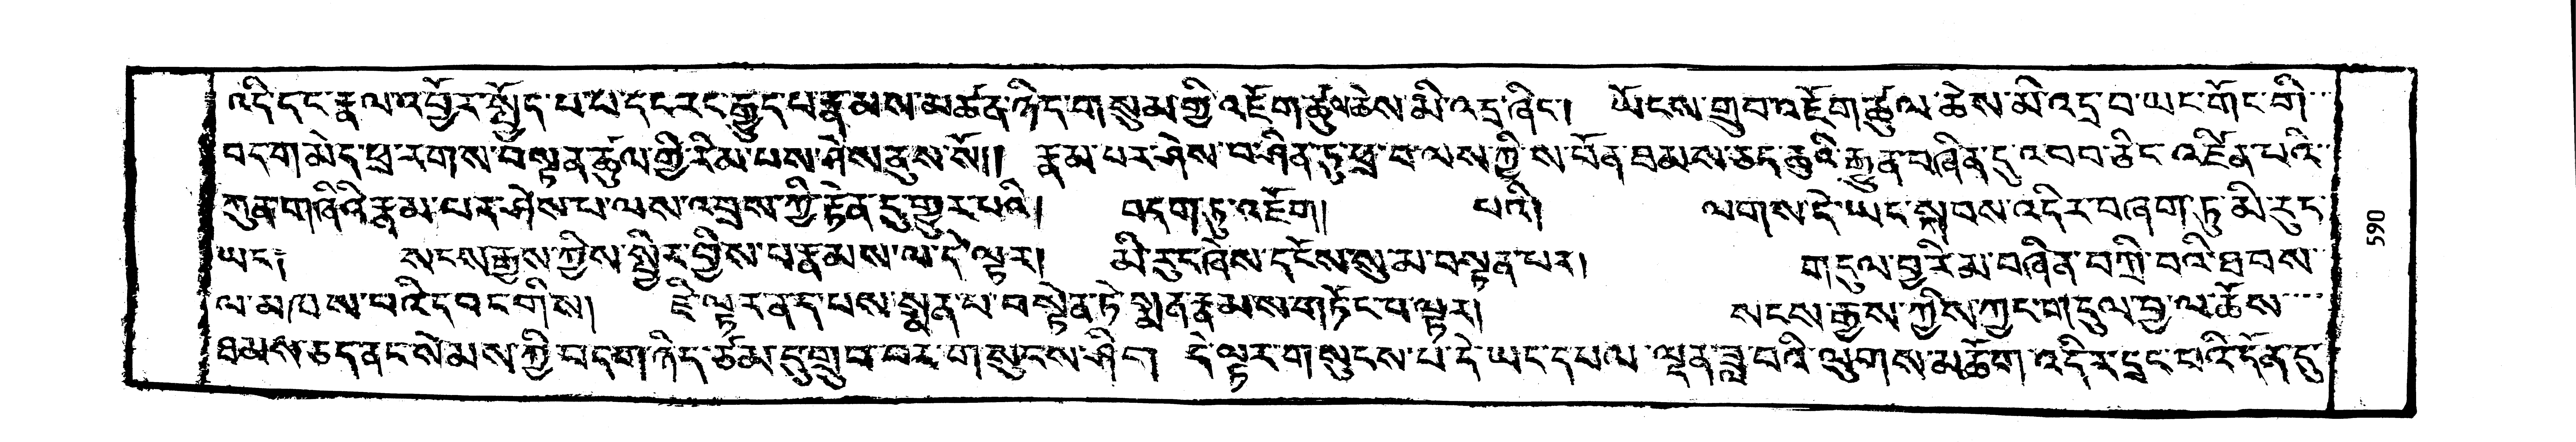འདི་དང་རྣལ་འབྱོར་སྤྱོད་པ་བ་དང་རང་རྒྱུད་པ་རྣམས་མཚན་ཉིད་གསུམ་གྱི་འཇུག་ཚུལ་ཆེས་མི་འདྲ་ཞིང་། ཡོངས་གྲུབ་འཇོག་ཚུལ་ཆེས་མི་འདྲ་བ་ཡང་གོང་གི་
བདག་མེད་ཕྲ་རགས་བསྟན་ཚུལ་གྱི་རིམ་པས་ཤེས་ནུས་སོ། །རྣམ་པར་ཤེས་པ་ཤིན་ཏུ་ཕྲ་བ་ལས་ཀྱི་ས་བོན་ཐམས་ཅད་ཆུའི་རྒྱུན་བཞིན་དུ་འབབ་ཅིང་འཛིན་པའི་
ཀུན་གཞིའི་རྣམ་པར་ཤེས་པ་ལས་འབྲས་ཀྱི་རྟེན་དུ་གྱུར་པའི། བདག་ཏུ་འཇོག། པའི། ལགས་དེ་ཡང་སྐབས་འདིར་བཞག་ཏུ་མི་རུང་
ཡང་། སངས་རྒྱས་ཀྱིས་སྤྱིར་བྱིས་པ་རྣམས་ལ་དེ་ལྟར། མི་རུང་ཞེས་དངོས་སུ་མ་བསྟན་པར། གདུལ་བྱ་རིམ་བཞིན་བཀྲི་བའི་ཐབས་
ལ་མཁས་པའི་དབང་གིས། ཇི་ལྟར་ནད་པས་སྨན་པ་བསྟེན་ཏེ་སྨན་རྣམས་གཏོང་བ་ལྟར། སངས་རྒྱས་ཀྱིས་ཀྱང་གདུལ་བྱ་ལ་ཆོས་
ཐམས་ཅད་ནང་སེམས་ཀྱི་བདག་ཉིད་ཙམ་དུ་གྲུབ་བར་གསུངས་ཤིང་། དེ་ལྟར་གསུངས་པ་དེ་ཡང་དཔལ་ལྡན་ཟླ་བའི་ལུགས་མཆོག་འདིར་དྲང་བའི་དོན་དུ་